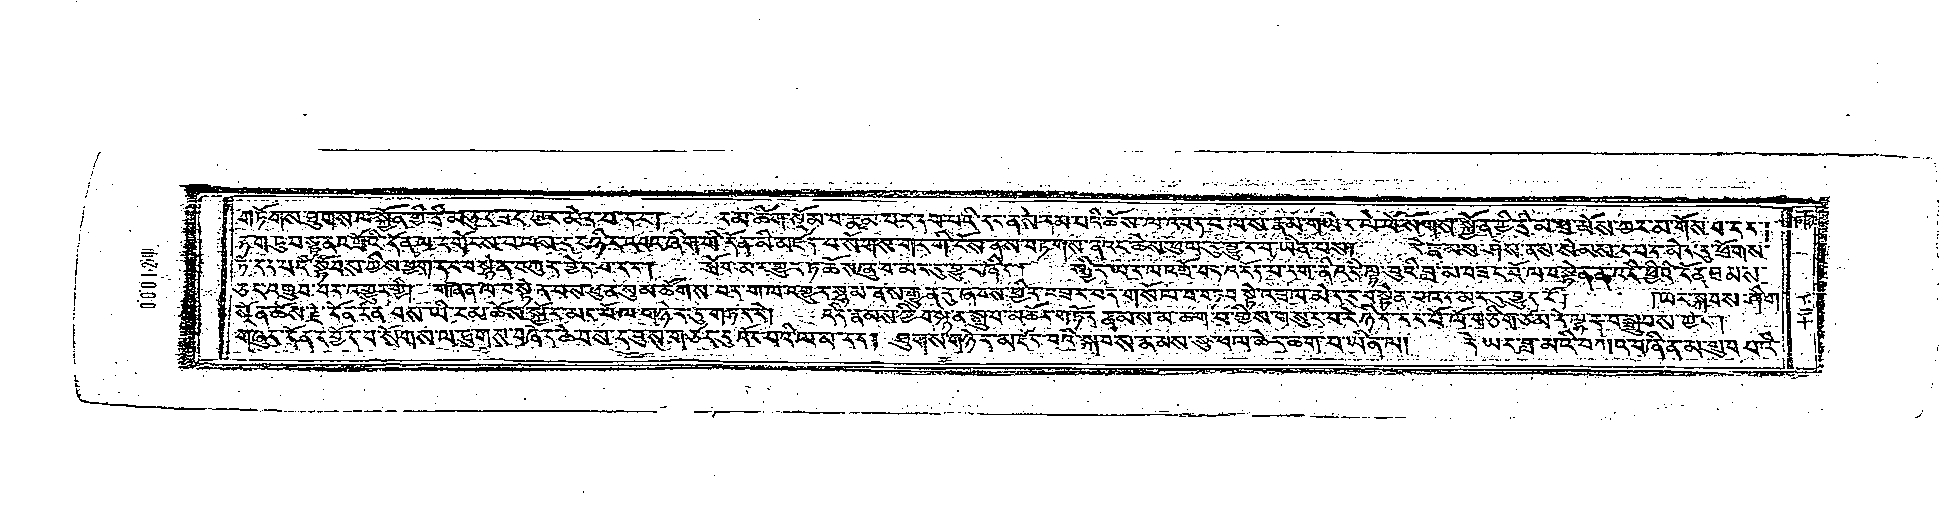གཏོགས་ཐུགས་ལ་སྐྱོན་གྱི་དྲི་མྕུང་ཟད་ཀྱང་མེད་བ་དང་། དམ་ཚིག་སྡོམ་བ་རྣམ་པར་དག་པའི་དང་ནས་དམ་པའི་ཆོས་ལ་འབད་པ་ལས་རྣམ་གཡེང་ལེ་ལོ་སོགས་སྐྱོན་གྱི་དྲི་མ་ཕྲ་མོས་ཀྱང་མ་གོས་བ་དང་།
རྟག་ཏུ་བསྟན་འགྲོའི་དོན་ལ་དགོངས་པ་ལས་རང་ཉིད་འབའ་ཞིག་གི་དོན་མི་མཛད་པ་སོགས་གང་གི་ངོས་ནས་བརྟགས་ནའང་ཆེས་ཕུལ་དུ་བྱུང་བ་ཡིན་པས། དེ་རྣམས་ཤེས་ནས་སེམས་དབང་མེད་དུ་ཕྲོགས་
ཏེ་དད་པའི་སྟོབས་ཀྱིས་ཕྱག་དང་བསྙེན་བཀུར་བྱེད་པ་དང་། སློབ་མར་གྱུར་ཏེ་ཆོས་ཞུ་བ་མང་དུ་བྱུང་ཞིང་། སྤྱིར་ཡར་ལ་འགྲོ་བར་འདོད་པ་དག་ནི་འདི་ལྟ་བུའི་བླ་མ་བཟང་པོ་ལ་བསྟེན་ན་འདི་ཕྱིའི་དོན་ཐམས་
ཅད་འགྲུབ་བར་འགྱུར་གྱི། གཞན་ལ་བསྟེན་པས་ཕུན་སུམ་ཚོགས་པར་གལ་འགྱུར་སྙམ་ནས་རྒྱུན་དུ་ཞབས་ཕྱིར་འབྲང་པར་གསོལ་བ་བཏབ་སྟེ་འབྲལ་མེད་དུ་བསྟེན་པའང་མང་དུ་བྱུང་ངོ། །ཡང་སྐབས་ཤིག་
སྔོན་ཆོས་རྗེ་དོན་རིན་བས་ཡི་དམ་ཆོས་སྐྱོང་མང་པོལ་གཉེར་དུ་གཏད་དེ། འདི་རྣམས་ཀྱི་བསྙན་སྒྲུབ་མཆོད་གཏོར་རྣམས་མ་ཆག་པ་གྱིས་གསུང་བ་དེ་ཉིད་དང་པོ་ལོ་གཅིག་ཙམ་དེ་ལྟར་བསྒྲུབས་ཀྱང་།
གཞུང་དོན་དབྱོད་པ་སོགས་ལ་ཐུགས་བཞེད་ཆེ་བས་དབུས་གཙང་དུའོང་བའི་ལམ་དང་། ཐུགས་གཉེར་མཛད་པའི་སྐབས་རྣམས་སུ་ཕལ་ཆེར་ཆག་པ་ཡིན་ལ། དེ་ཡང་བླ་མའི་བཀའ་བཞིན་མ་གྲུབ་པའི་